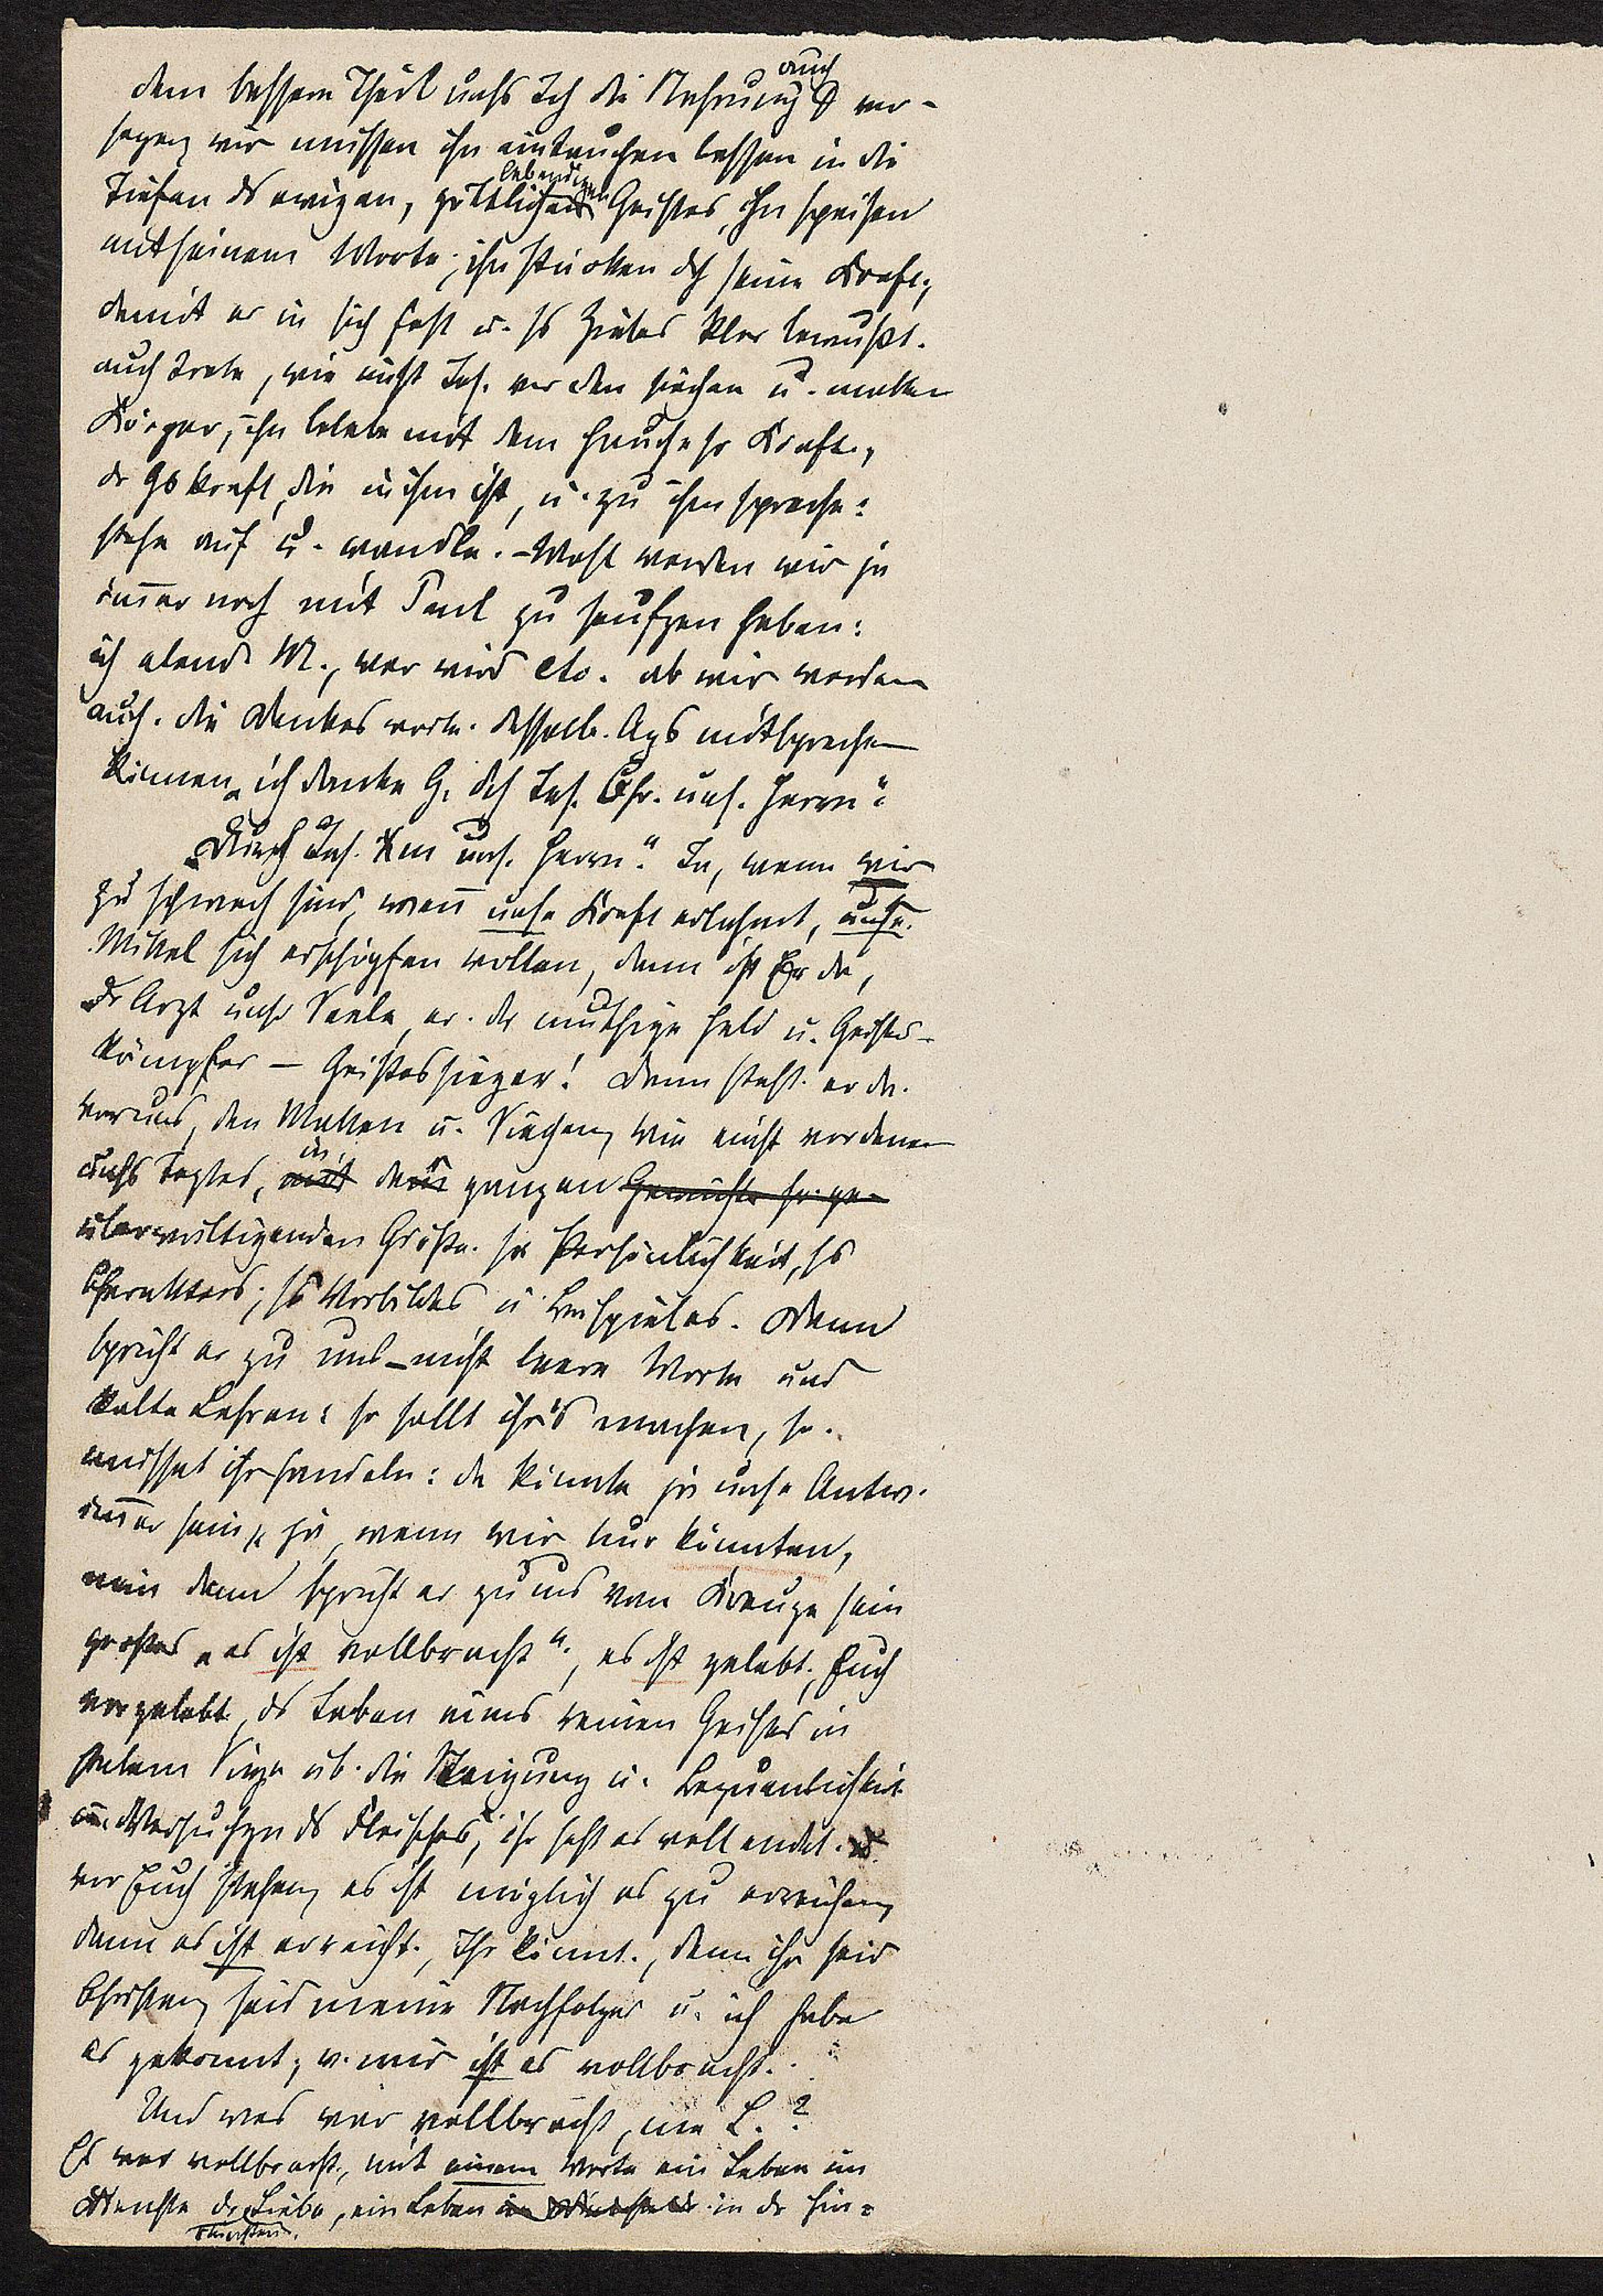auch
dem bessern Theil unss Ich die Nahrung o ver¬
sagen, wir müssen ihn entauchen lassen in die
lebendigen
Tiefen ds ewigen, göttlichen Geistes ihn speisen
mit seinem Worte; ihn stärken doch seine Kraft,
damit er in sich fest u. ss Zieles klar bewußt.
auchtrete, wie nicht Jes. vor den siechen u. nackten
Körper, ihn belebte mit dem Hauche sr. Kraft,
der Gskraft, die in ihm ist, u. zu ihm spreche:
stehe auf u. wandle. _ Wohl werden wir ja
imer noch mit Paul zu seufzen haben:
ich elend M., wer wird etc. ab wir werden
auch. die Dankesworte. desselb. Aps mitsprechen
können "ich danke G. dch Jes. Chr. uns. Herrn."
"Durch Jes. Χm. uns Herrn!" Ja, wenn wir
zu schwach sind, wen unser Kraft erlahmt, unsr.
Mittel sich erschöpfen wollten, dann ist Er da,
dr Arzt uns Seele, er der muthige Held u. Geistes¬
kämpfer _ Geistessieger! Dann steht er da.
vor uns, den Matten, u. Siechen, wie einst vor denen
in
unss Textes, mit dem ganzen Gewichte sr ge.
überwältigenden Größe. sr Persönlichkeit, ss
Charakters; ss Vorbildes u Beispieles. Dann
spricht er zu aus nicht leere Worte, und
kalte Lehren: so sollt ihr's machen, so.
müsst ihr handeln: da könnte ja unsr. Antw.
imer sein. ja, wenn wir nur könnten,
nein, dann spricht er zu aus vom Kreuze sein
großes "es ist vollbracht" es ist gelebt. Euch
vorgelebt, das Leben eins reinen Geist in
liebem Siege üb. die Neigung u. Bequemlichkeit
u. Versuchungen ds Fleisches, ihr seht es vollendet
vor Euch stehen, es ist möglich es zu erreichen,
denn es ist erreicht, Ihr könnt., denn ihr seid
Christen, seid meine Nachfolger u. ich habe
es gekonnt, v. mir ist es vollbracht
Und was war vollbracht, mn. L.?
Es war vollbracht, mit einem Worte ein Leben im
Dienste dr Liebe, ein Leben in Dienste dr in der hin¬
reinsten
wie